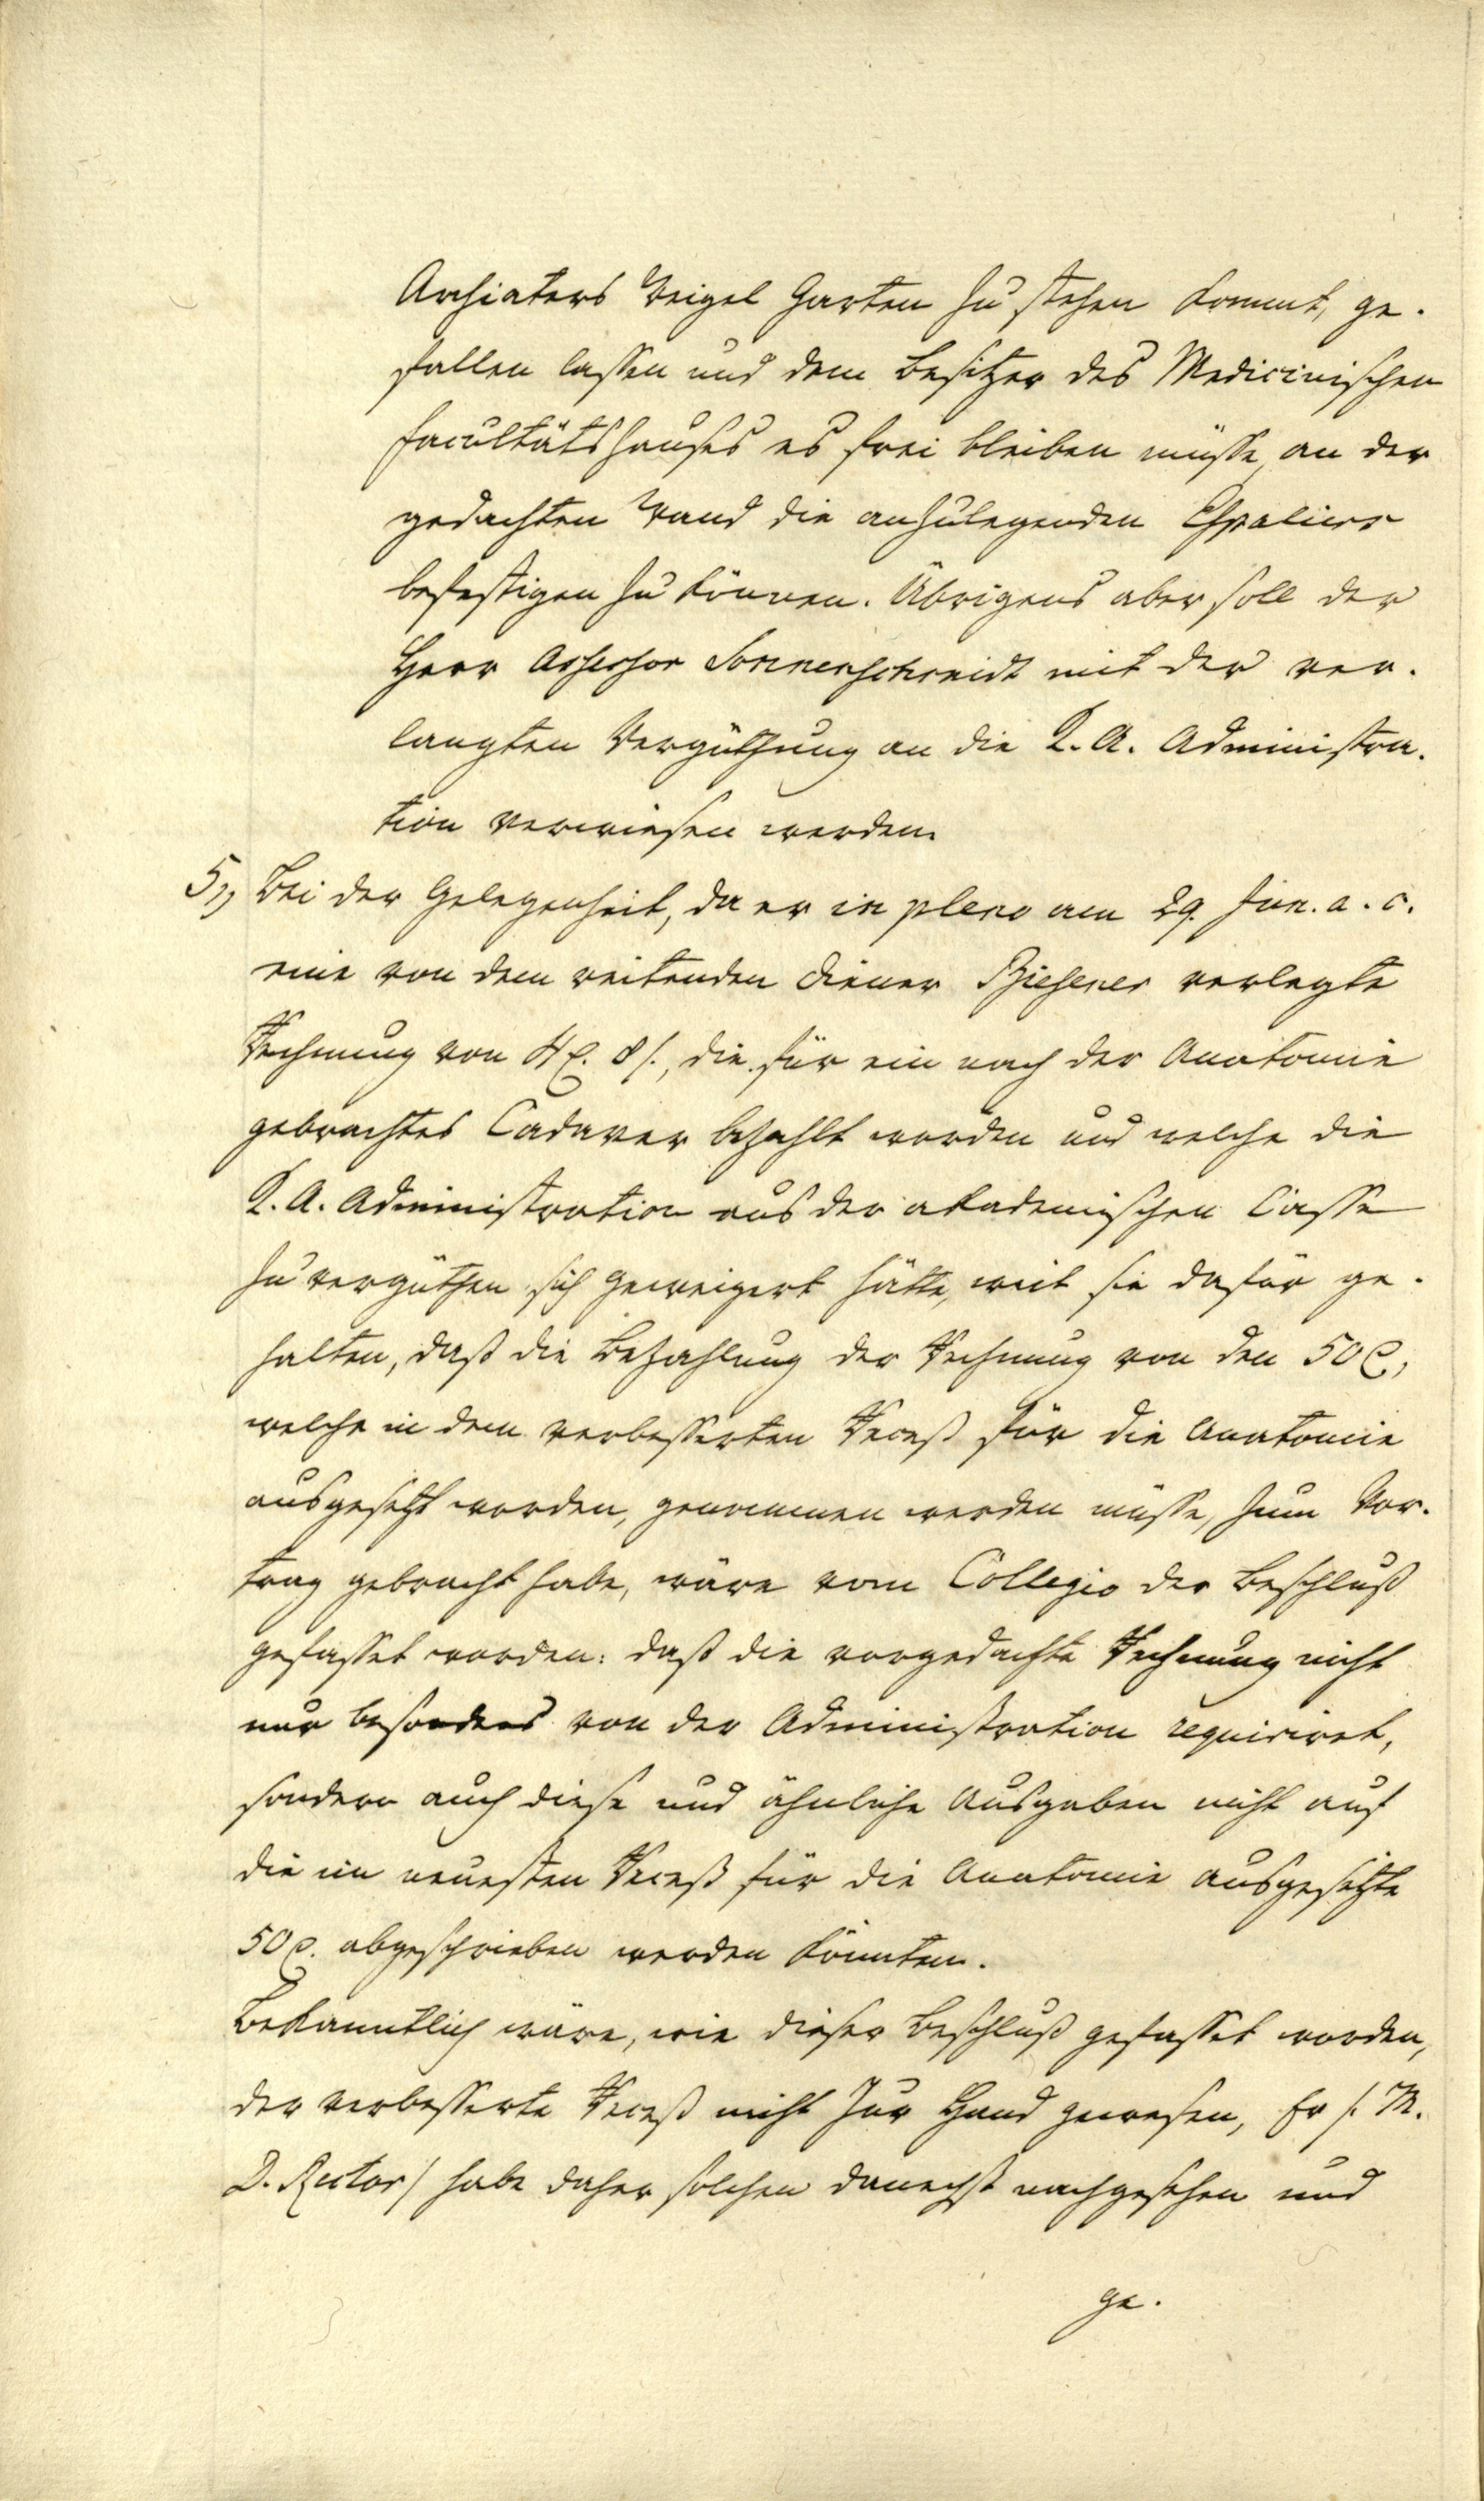Archiaters Weigel Garten zu stehen kommt, ge¬
fallen lassen und dem Besitzer des Medicinischen
facultätshauses es frei bleiben müsse, an der
gedachten Wand die anzulegenden Espaliers
befestigen zu können. Übrigens aber soll der
Herr Assessor Sonnenschmidt mit der ver¬
langten Vergüthung an die K. A. Administra¬
tion verwiesen werden.
5, Bei der Gelegenheit, da er in pleno am 29. Jun. a. c.
eine von dem reitenden Diener Biesener verlegte
Rechnung von 4 l. 8 s., die für ein nach der Anatomie
gebrachtes Cadaver bezahlt werden und welche die
K. A. Administration aus der akademischen Casse
zu vergüthen sich geweigert hätte, weil sie dafür ge¬
halten, daß die Bezahlung der Rechnung von den 50 l.
welche in dem verbesserten Receß für die Anatomie
ausgesetzt worden, genommen werden müsse, zum Vor¬
trag gebracht habe, wäre vom Collegio der Beschluß
gefasset worden, daß die vorgedachte Rechnung nicht
nur besonders von der Administration requiriret,
sondern auch diese und ähnliche Ausgaben nicht auf
die im neuesten Receß für die Anatomie ausgesetzte
50 l. abgeschrieben werden könnten.
Bekanntlich wäre, wie dieser Beschluß gefasset worden,
der verbesserte Receß nicht zur Hand gewesen, Er / M.
D. Rector/ habe daher solchen danechst nachgesehen und
ge.